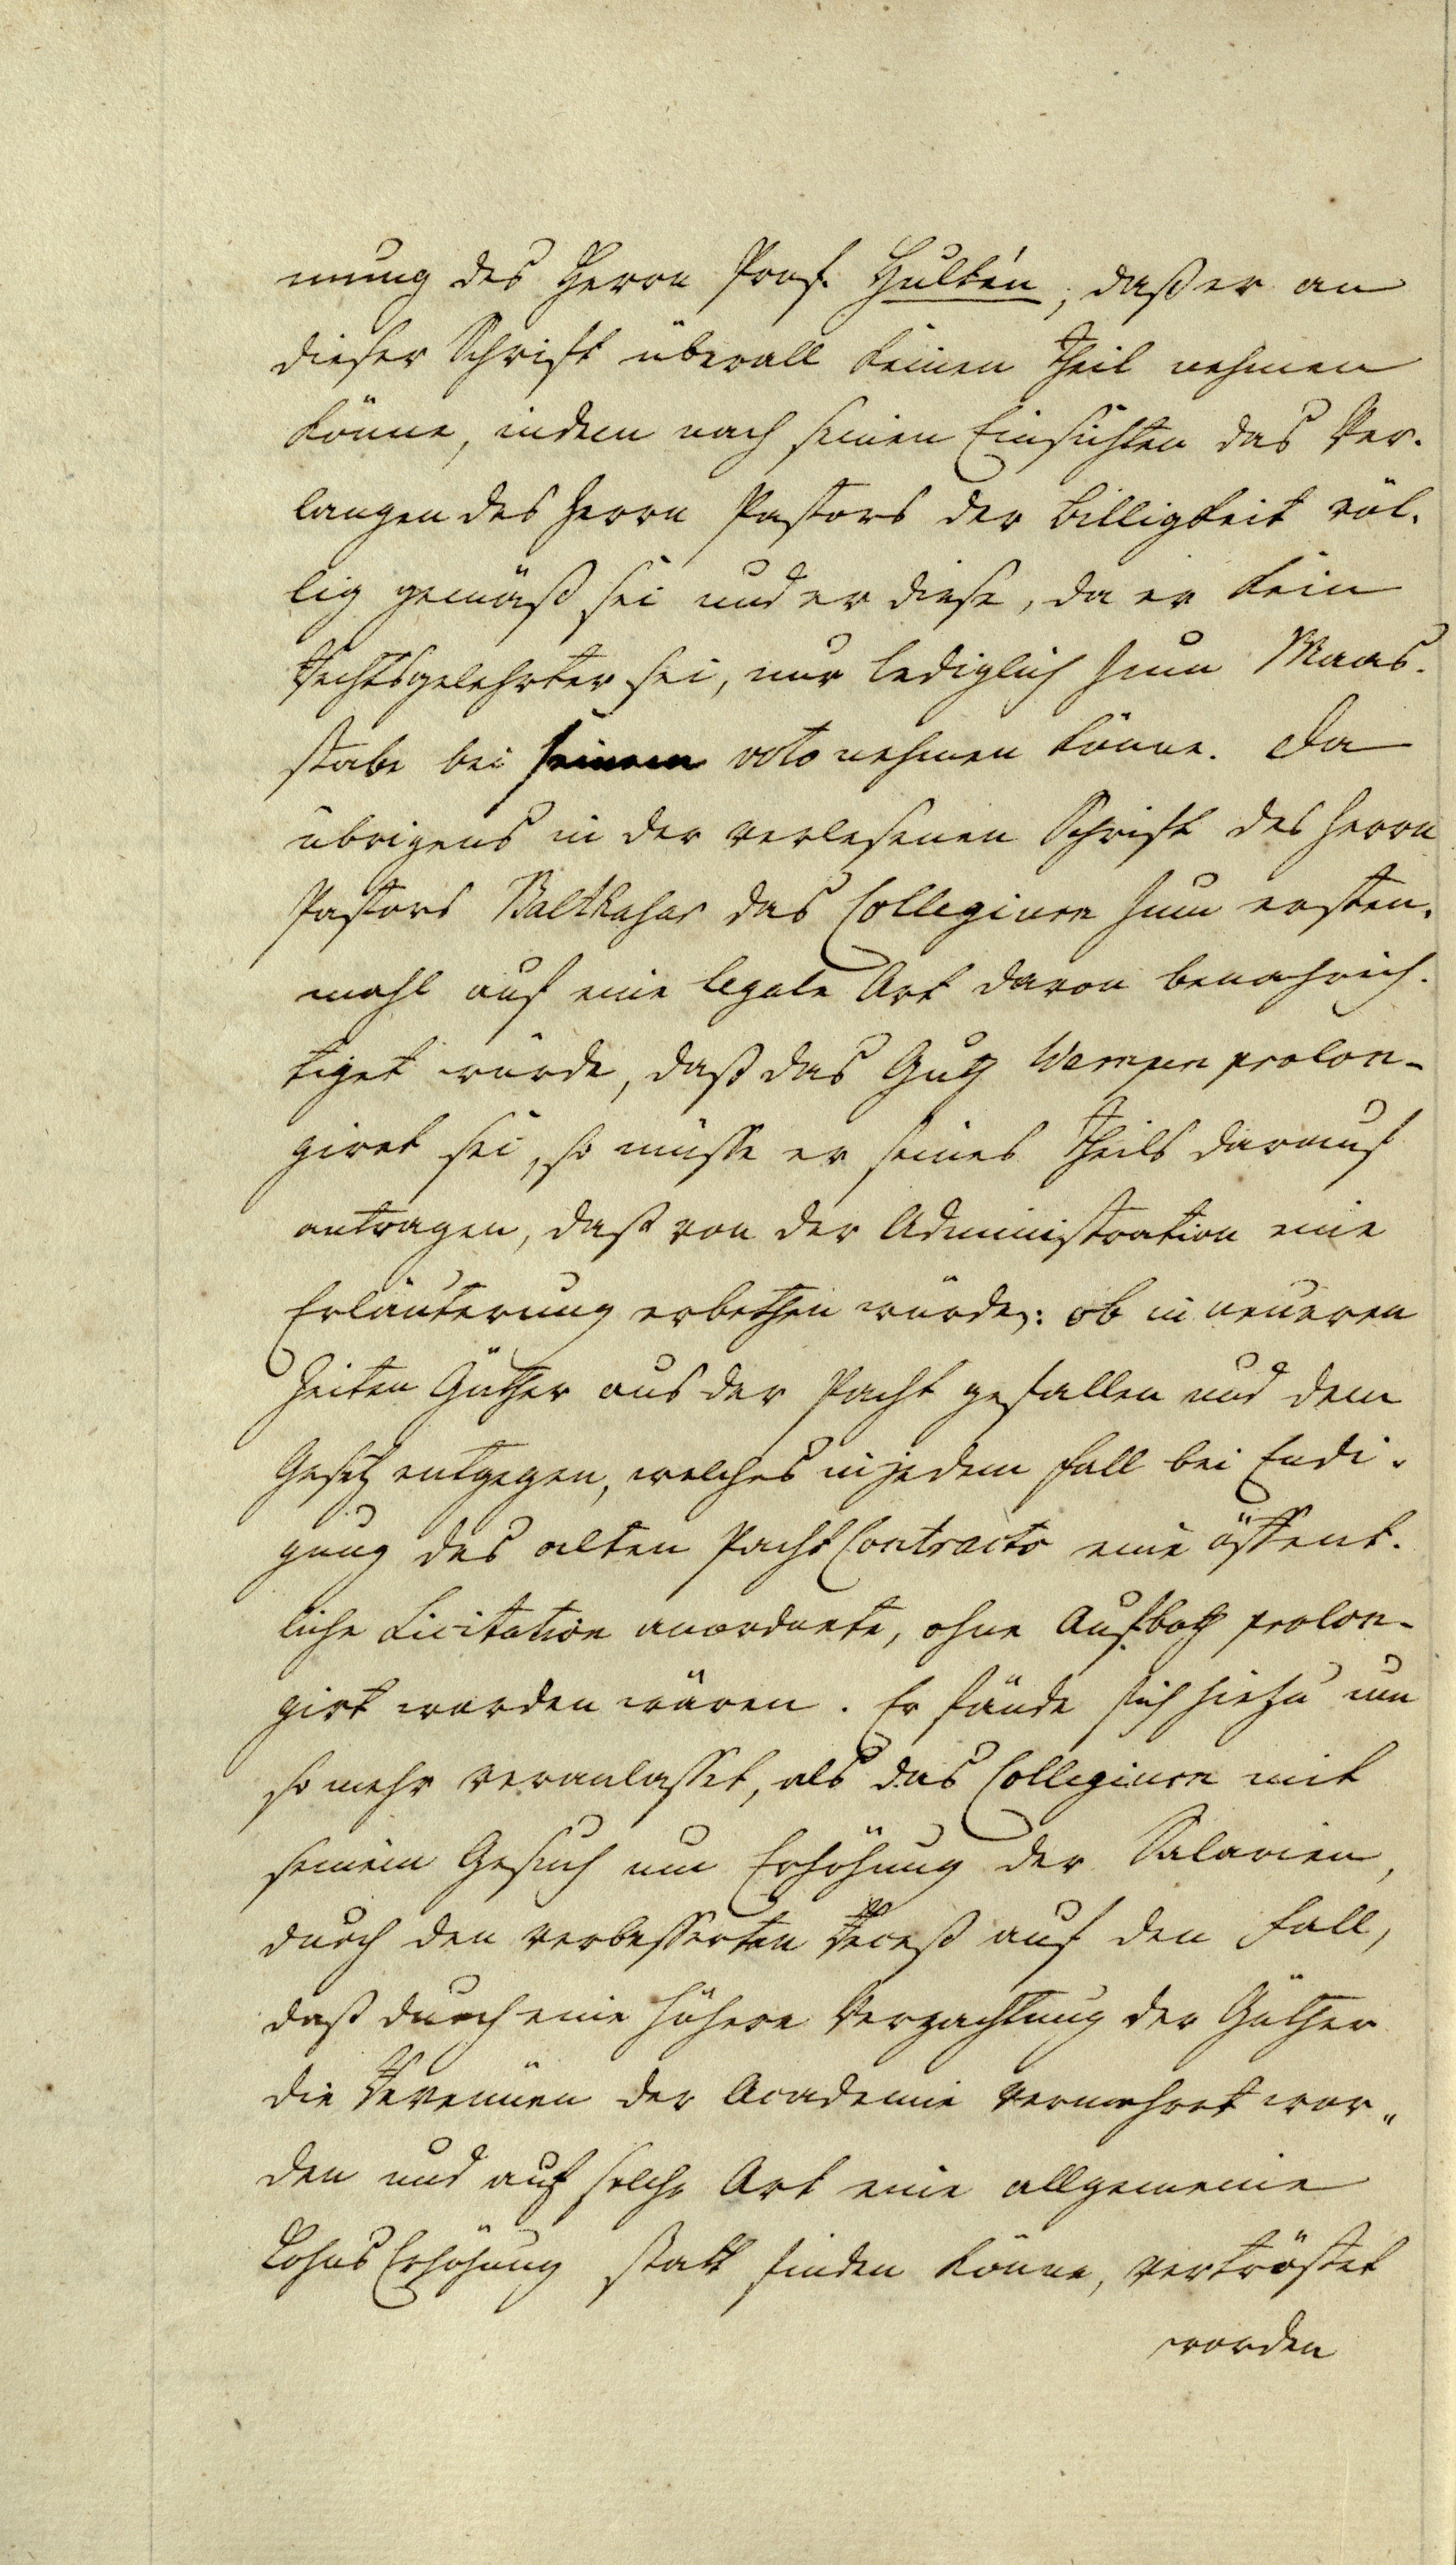mung des Herrn Prof. Hultén, daß er an
dieser Schrift überall keinen Theil nehmen
könne, indem nach seinen Einsichten das Ver¬
langen des Herrn Pastors der Billigkeit völ¬
lig gemäß sei und er diese, da er kein
Rechtsgelehrter sei, nur lediglich zum Maas¬
stabe bei seinem voto nehmen könne. Da
übrigens in der verlesenen Schrift des Herrn
Pastors Balthasar das Collegium zum ersten¬
mahl auf eine legale Art davon benachrich¬
tiget würde, daß das Guth Wampen prolon¬
giret sei, so müsse er seines Theils darauf
antragen, daß von der Administration eine
Erläuterung erbethen würde: ob in neueren
Zeiten Güther aus der Pacht gefallen und dem
Gesetz entgegen, welches injedem Fall bei Endi¬
gung des alten Pacht Contracts eine öffent¬
liche Licitation anordnete, ohne Aufboth prolon¬
girt worden wären. Er fände sich hiezu um
so mehr veranlasset, als das Collegium mit
seinem Gesuch um Erhöhung der Salarien
durch den verbesserten Receß auf den Fall,
daß durch eine höhere Verpachtung der Güther
die Revenüen der Academie vermehret wor¬
den und auf solche Art eine allgemeine
Lohns Erhöhung statt finden könne, vertröstet
worden